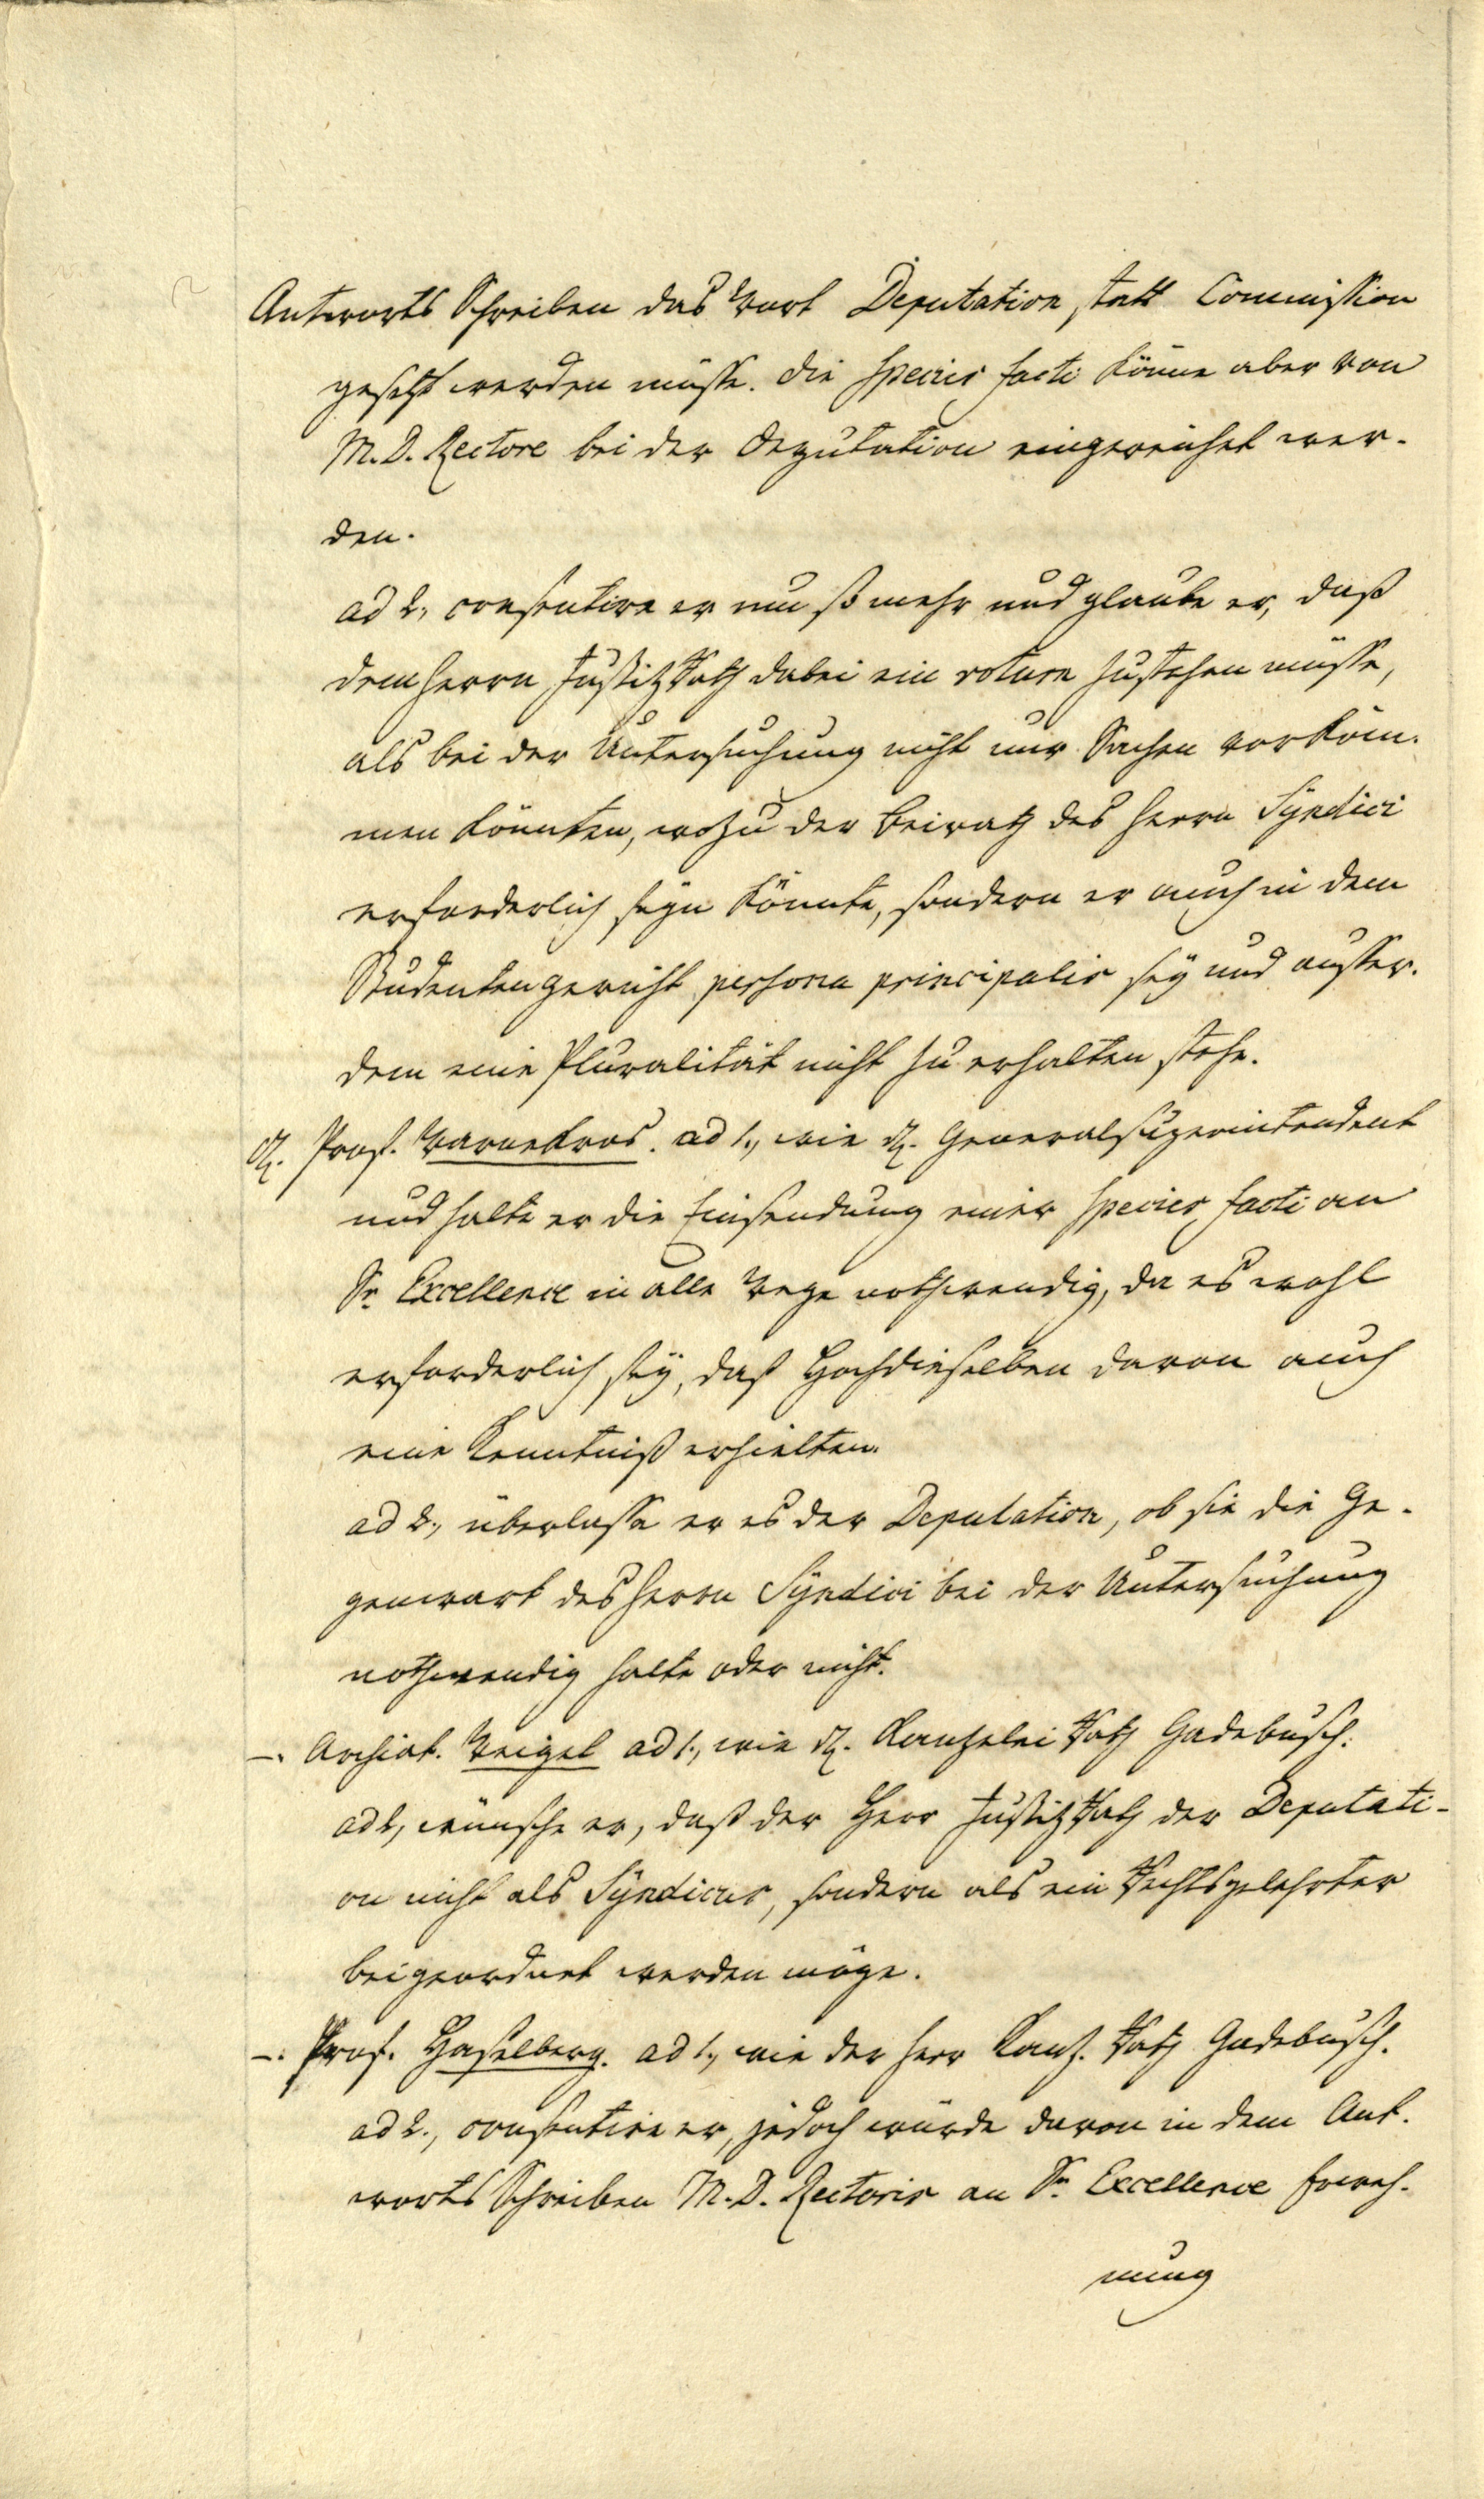Antworts Schreiben das Wort Deputation, statt Commission
gesetzt werden müsse. Die species Facti könne aber von
M. D. Rectore bei der Deputation eingereichet wer¬
den.
ad 2., consentire er um so mehr und glaube er, daß
dem Herrn Justiz Rath dabei ein votum zustehen müsse,
als bei der Untersuchung nicht nur Sachen vorkom¬
men könnten, wozu der Beirath des Herrn Sÿndici
erforderlich seÿn könnte, sondern er auch in dem
Studentengericht persona principalis seÿ und ausser¬
dem eine Pluralität nicht zu erhalten stehe.
dh. Prof. Warnekros, ad 1., wie dh. Generalsuperintendent
und halte er die Einsendung einer Species Facti an
Sr Excellence in alle Wege nothwendig, da es wohl
erforderlich seÿ, daß Hochdieselben davon auch
eine Kenntniß erhielten.
ad 2., überlasse er es der Deputation, ob sie die Ge¬
genwart des Herrn Sÿndici bei der Untersuchung
nothwendig halte oder nicht.
Archiat. Weigel ad 1., wie dh. Kanzelei Rath Gadebusch.
ad 2, wünsche er, daß der Herr Justiz Rath der Deputati¬
on nicht als Sÿndicus, sondern als ein Rechtsgelehrter
beigeordnet werden möge.
— " Prof. Haselberg. ad 1., wie der Herr Kanz. Rath Gadebusch.
ad 2., consentire er, jedoch würde davon in dem Ant¬
worts Schreiben M. D. Rectoris an Sr. Excellence Erweh¬
nung